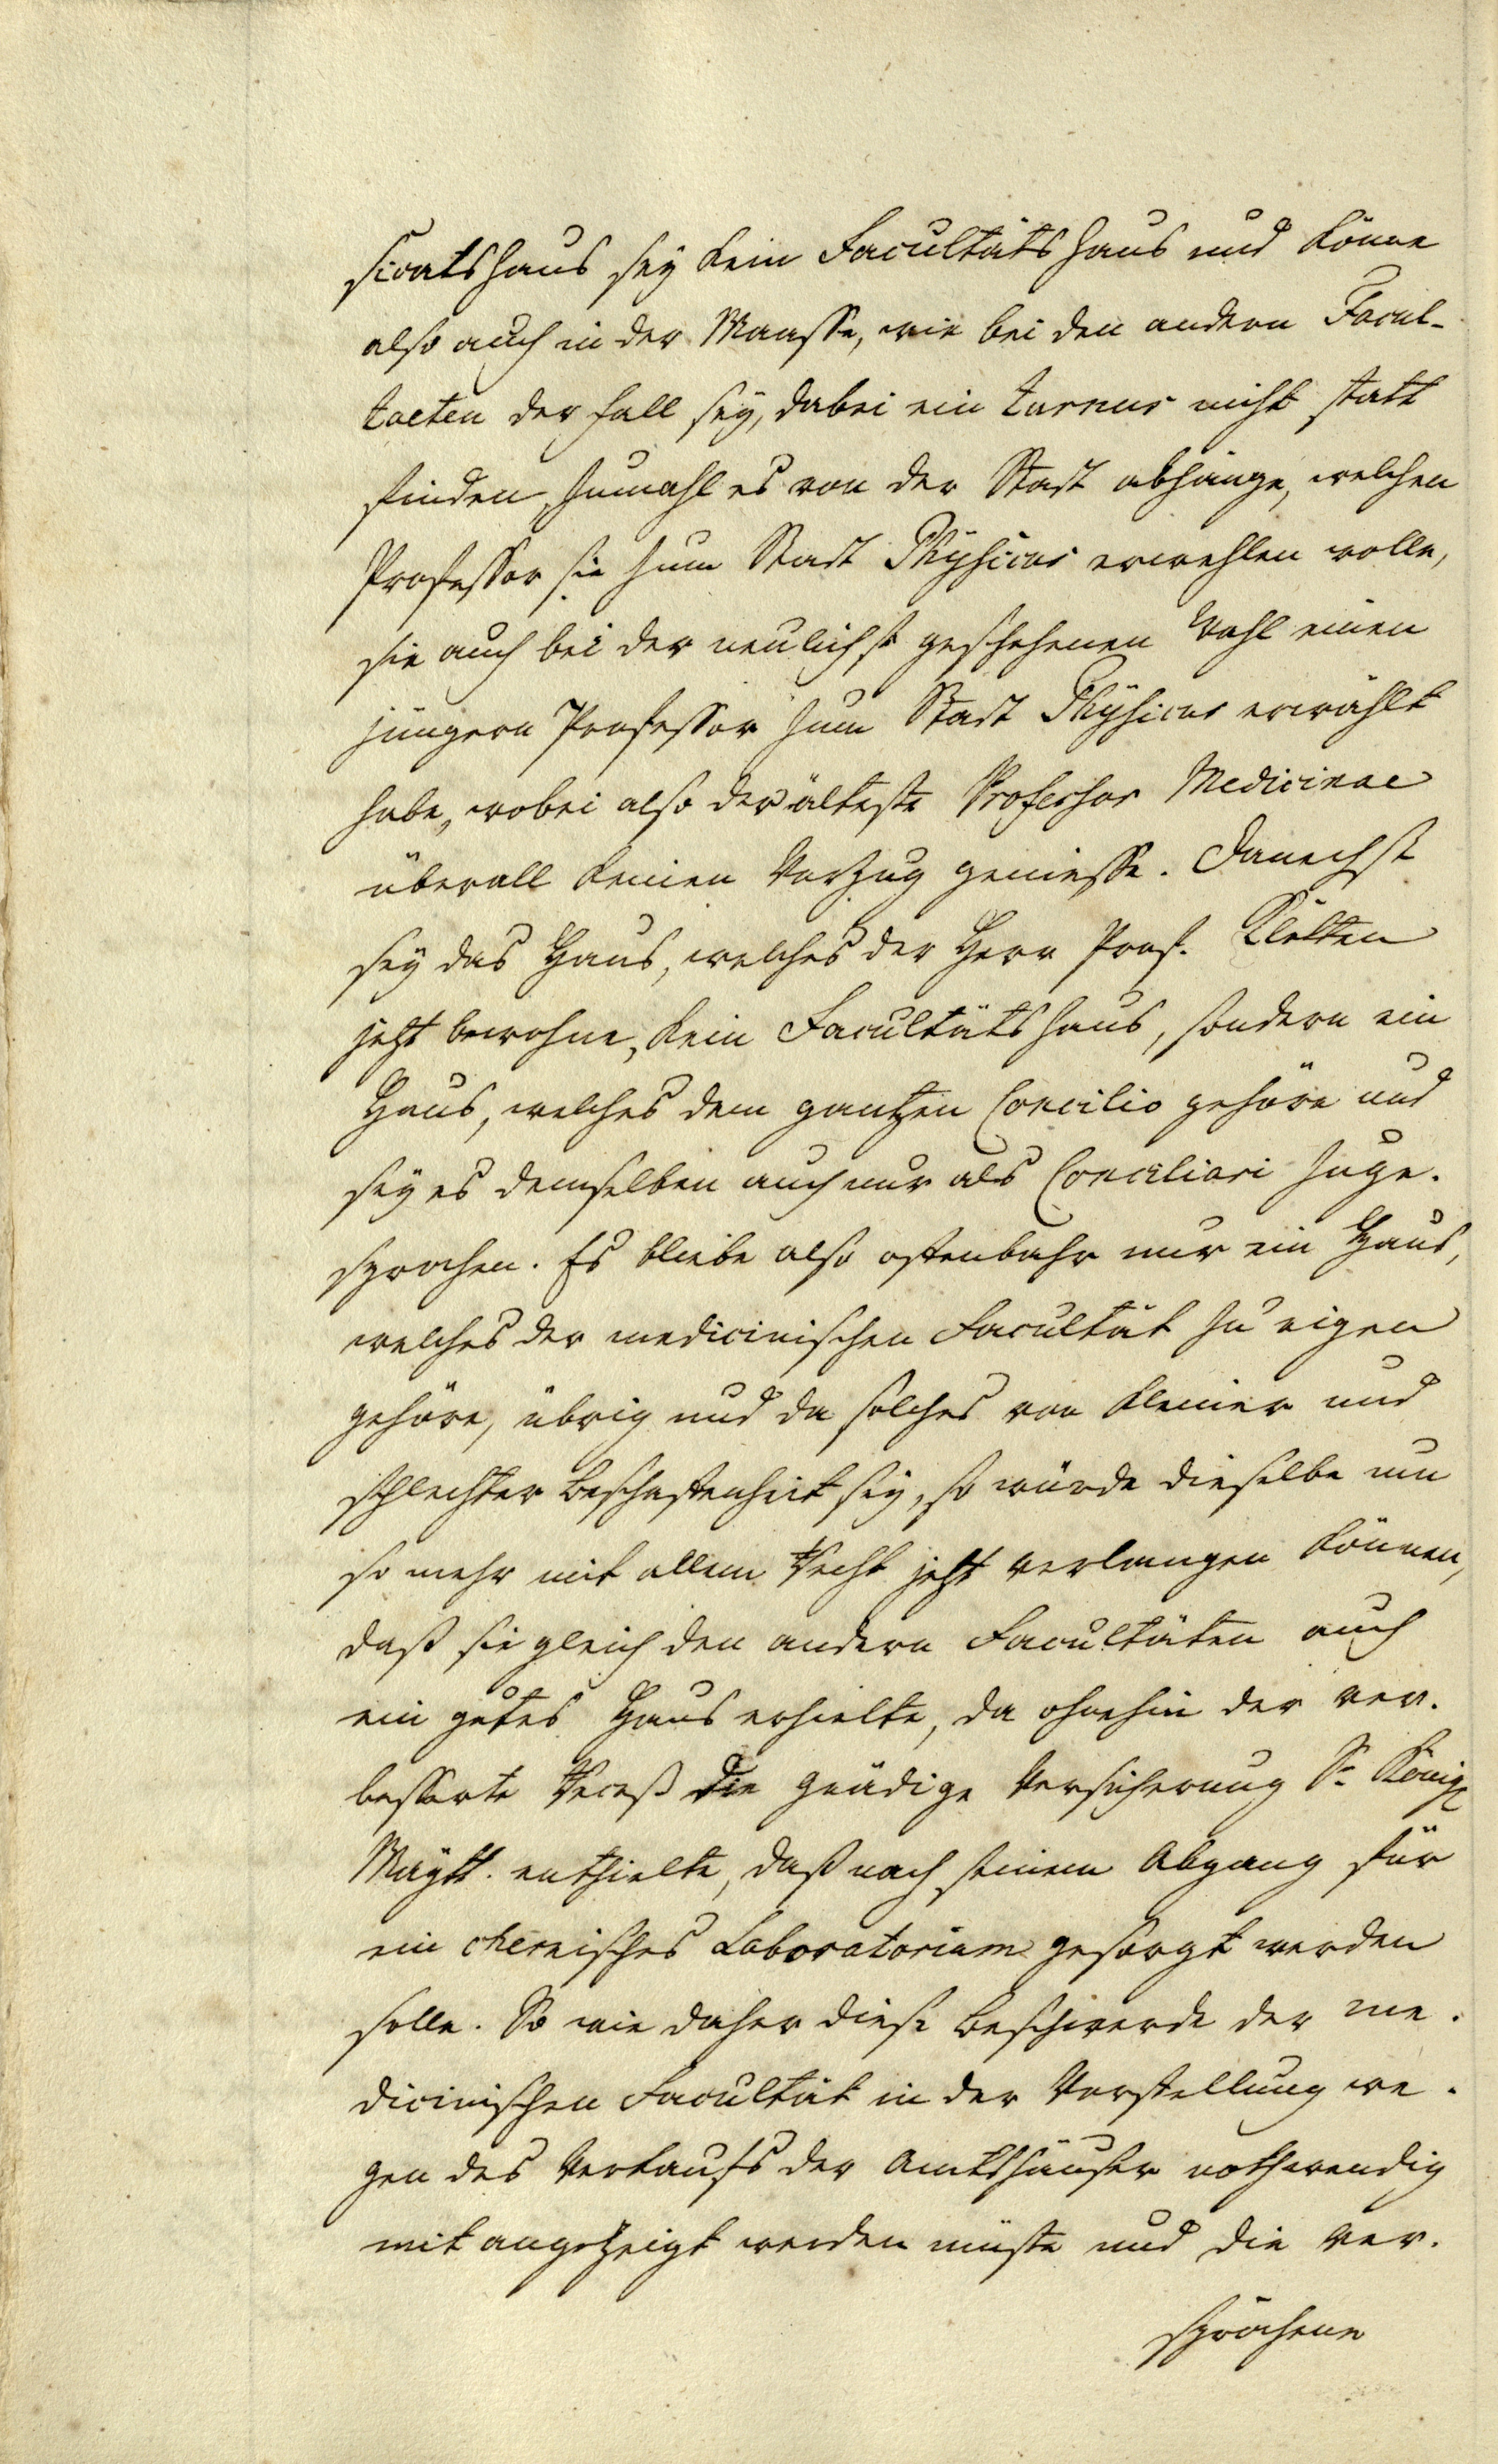sicatshaus seÿ kein Facucltätshaus und könne
also auch in der Maasse, wie bei den andern Facul¬
taeten der Fall seÿ, dabei ein turnus nicht statt
finden, zumahl es von der Stadt abhänge, welchen
Professor sie zum Stadt Phÿsicus erwehlen wolle,
sie auch bei der neulichst geschehenen Wahl einen
jüngern Professor zum Stadt Phÿsicus erwählt
habe, wobei also der älteste Professor Medicinae
überall keinen Vorzug geniesse. Danechst
seÿ das Haus, welches der Herr Prof. Kletten
jetzt bewohne kein Facultätshaus, sondern ein
Haus, welches dem gantzen Concilio gehöre und
seÿ es demselben auch nur als Conciliari zuge¬
sprochen. Es bliebe also offenbahr nur ein Haus,
welches der medicinischen Facultät zu eigen
gehöre, übrig und da solches von kleiner und
schlechter Beschaffenheit seÿ, so würde dieselbe um
so mehr mit allem Recht jetzt verlangen können,
daß sie gleich den andern Facultäten auch
ein gutes Haus erhielte, da ohnehin der ver¬
besserte Receß die gnädige Versicherung Sr Königl.
Maÿtt. enthielte, daß nach seinem Abgang für
ein chemisches Laboratorium gesorgt werden
solle. So wie daher diese Beschwerde der me¬
dicinischen Facultät in der Vorstellung we¬
gen des Verkaufs der Amtshäuser nothwendig
mit angezeigt werden müßte und die ver¬
sprochene